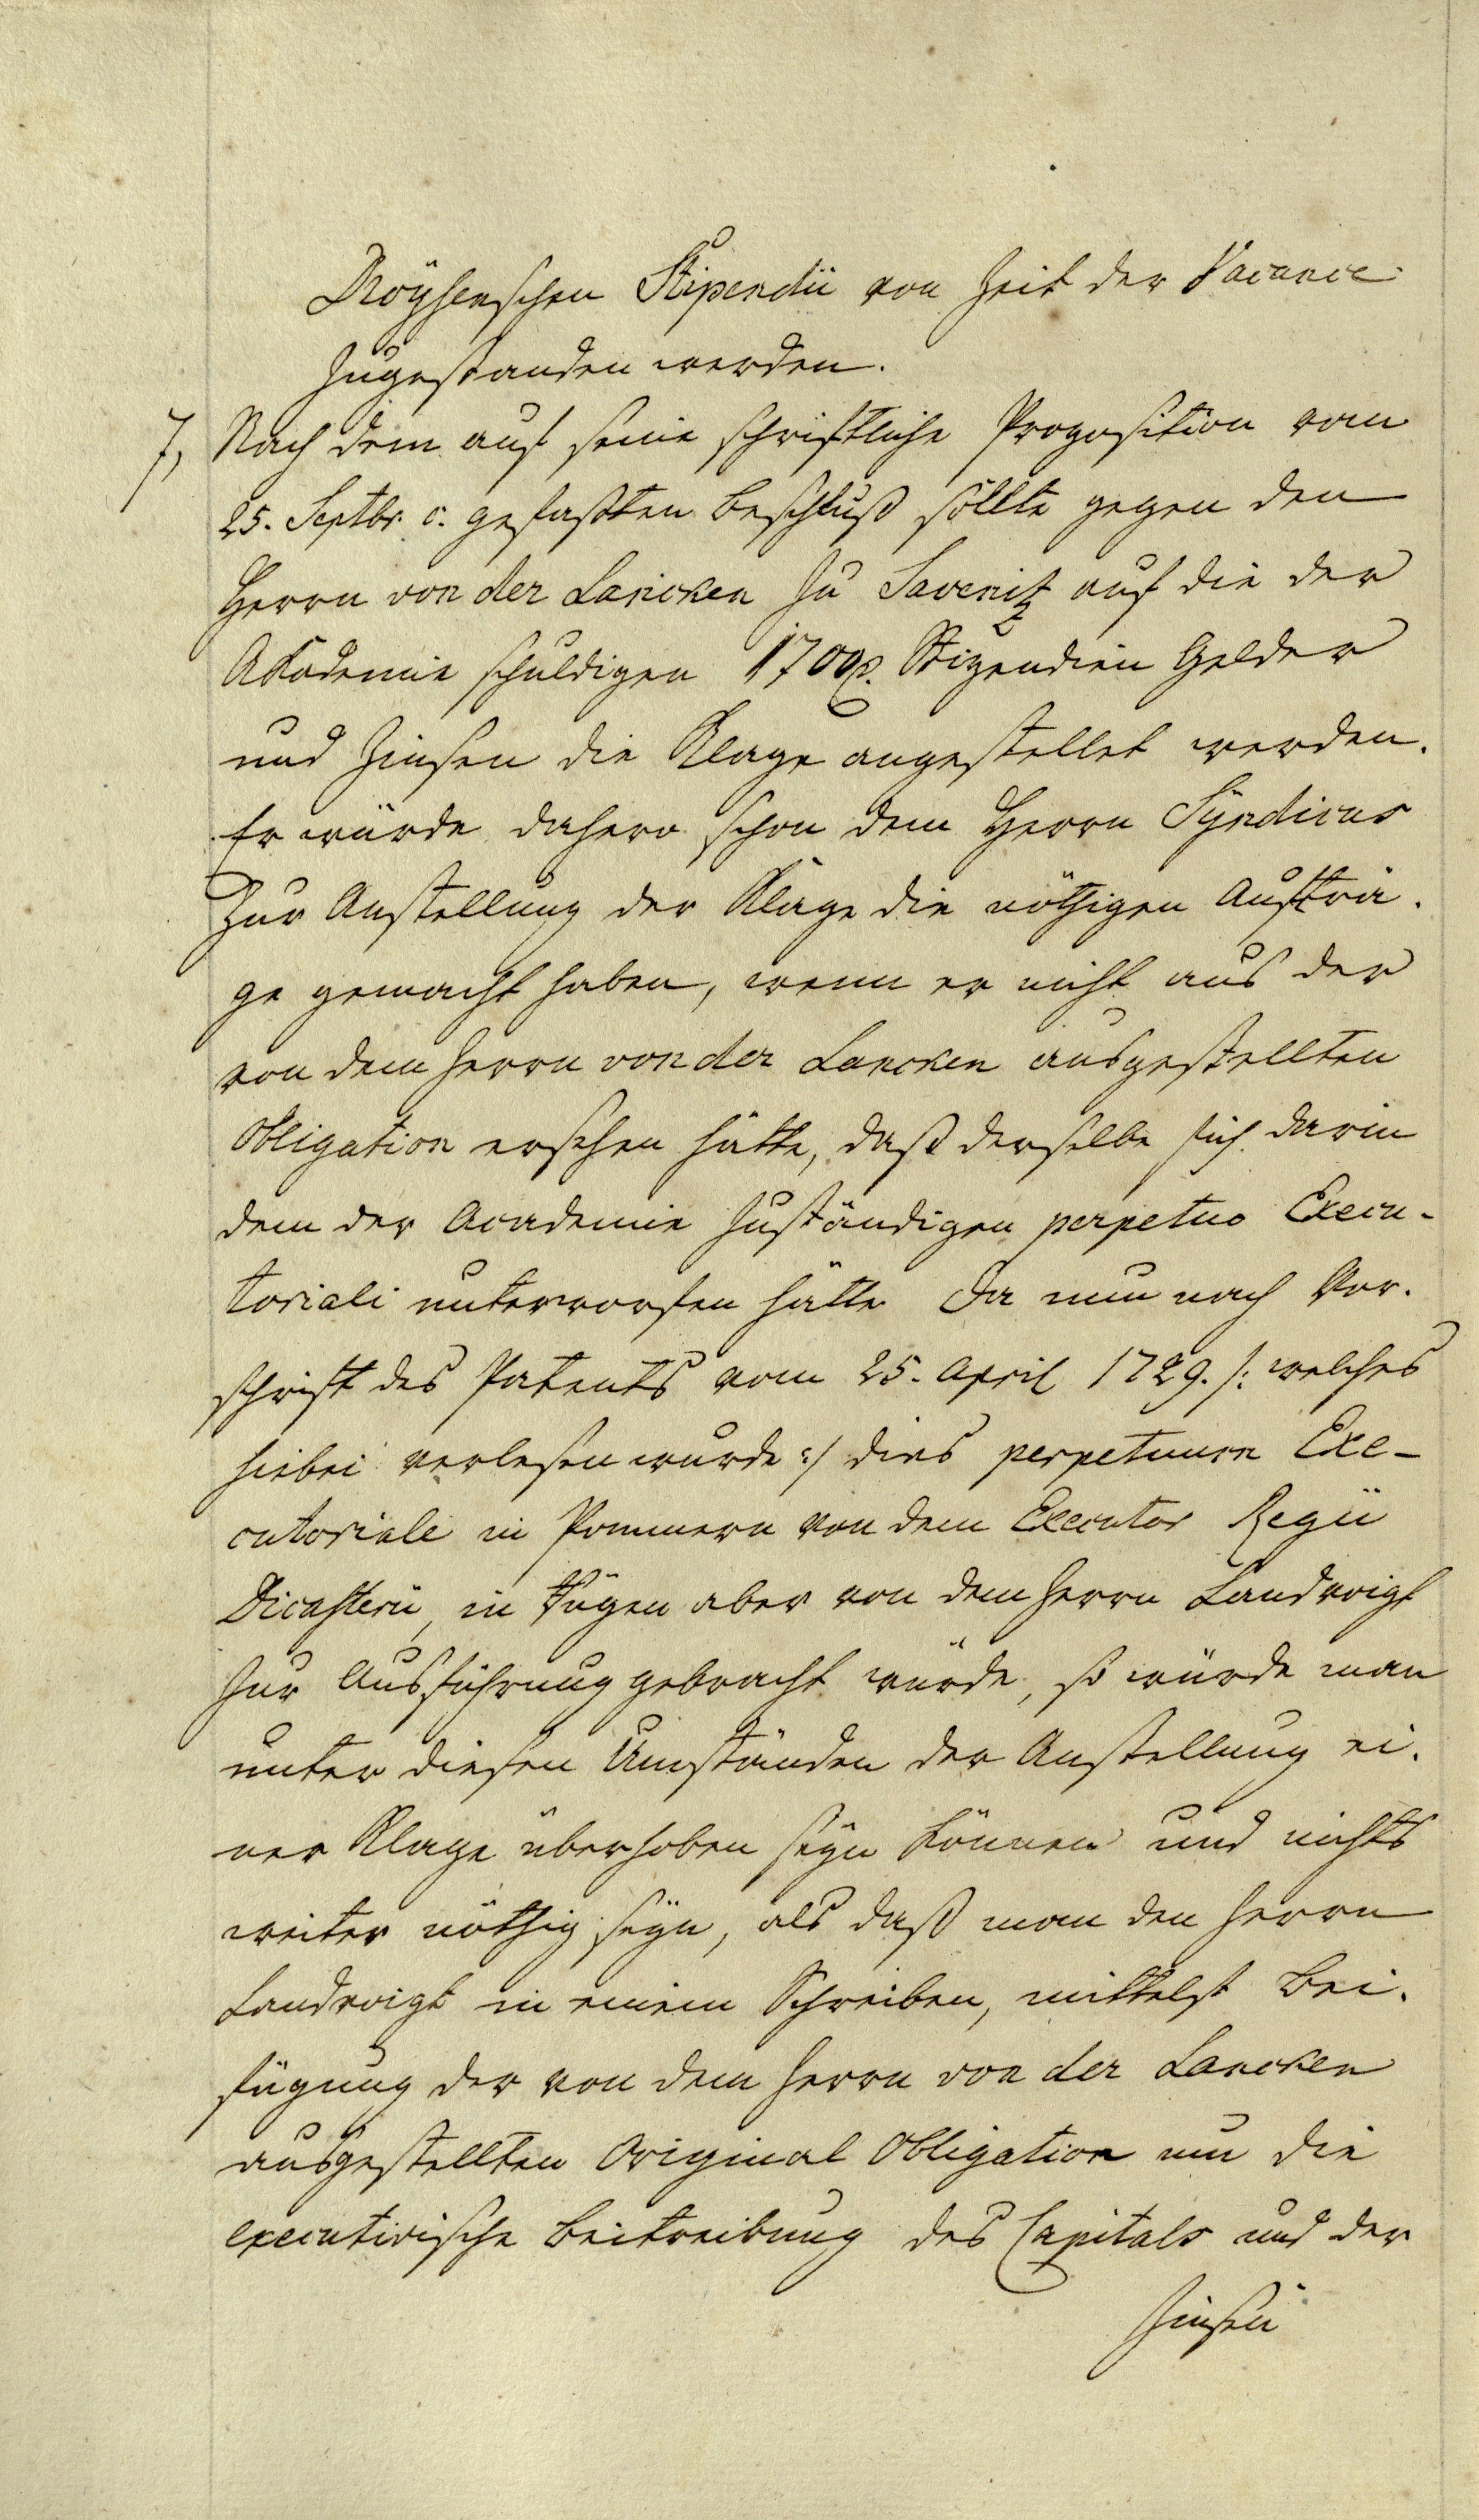Droÿsenschen Stipendii von Zeit der Vacance
zugestanden werden.
7., Nach dem auf seine schriftliche Proposition vom
25. Septbr c. gefaßten Beschluß sollte gegen den
Herrn von der Lancken zu Savenitz auf die der
Akademie schuldigen 1700 l. Stipendien Gelder
und Zinsen die Klage angestellet werden.
Er würde dahero schon dem Herrn Sÿndicus
zur Anstellung der Klage die nöthigen Aufträ¬
ge gemacht haben, wenn er nicht aus der
von dem Herrn von der Lancken ausgestellten
Obligation ersehen hätte, daß derselbe sich, darin
dem der Academie zuständigen perpetuo Execu¬
toriali unterworfen hätte. Da nun nach Vor¬
schrift des Patents vom 25. April 1729. /: welches
hiebei verlesen wurde :/ dies perpetuum Exe¬
cutoriale in Pommern von dem Executor Regii
Dicasterii, in Rügen aber von dem Herrn Land Voigt
zur Ausführung gebracht würde, so würde man
unter diesen Umständen der Anstellung ei¬
ner Klage überhoben seÿn können und nichts
weiter nöthig seÿn, als daß man den Herrn
Landvoigtt in einem Schreiben, mittelst Bei¬
fügung der von dem Herrn von der Lancken
ausgestellten Original Obligation um die
executivische Beitreibung des Capitals und der
Zinsen